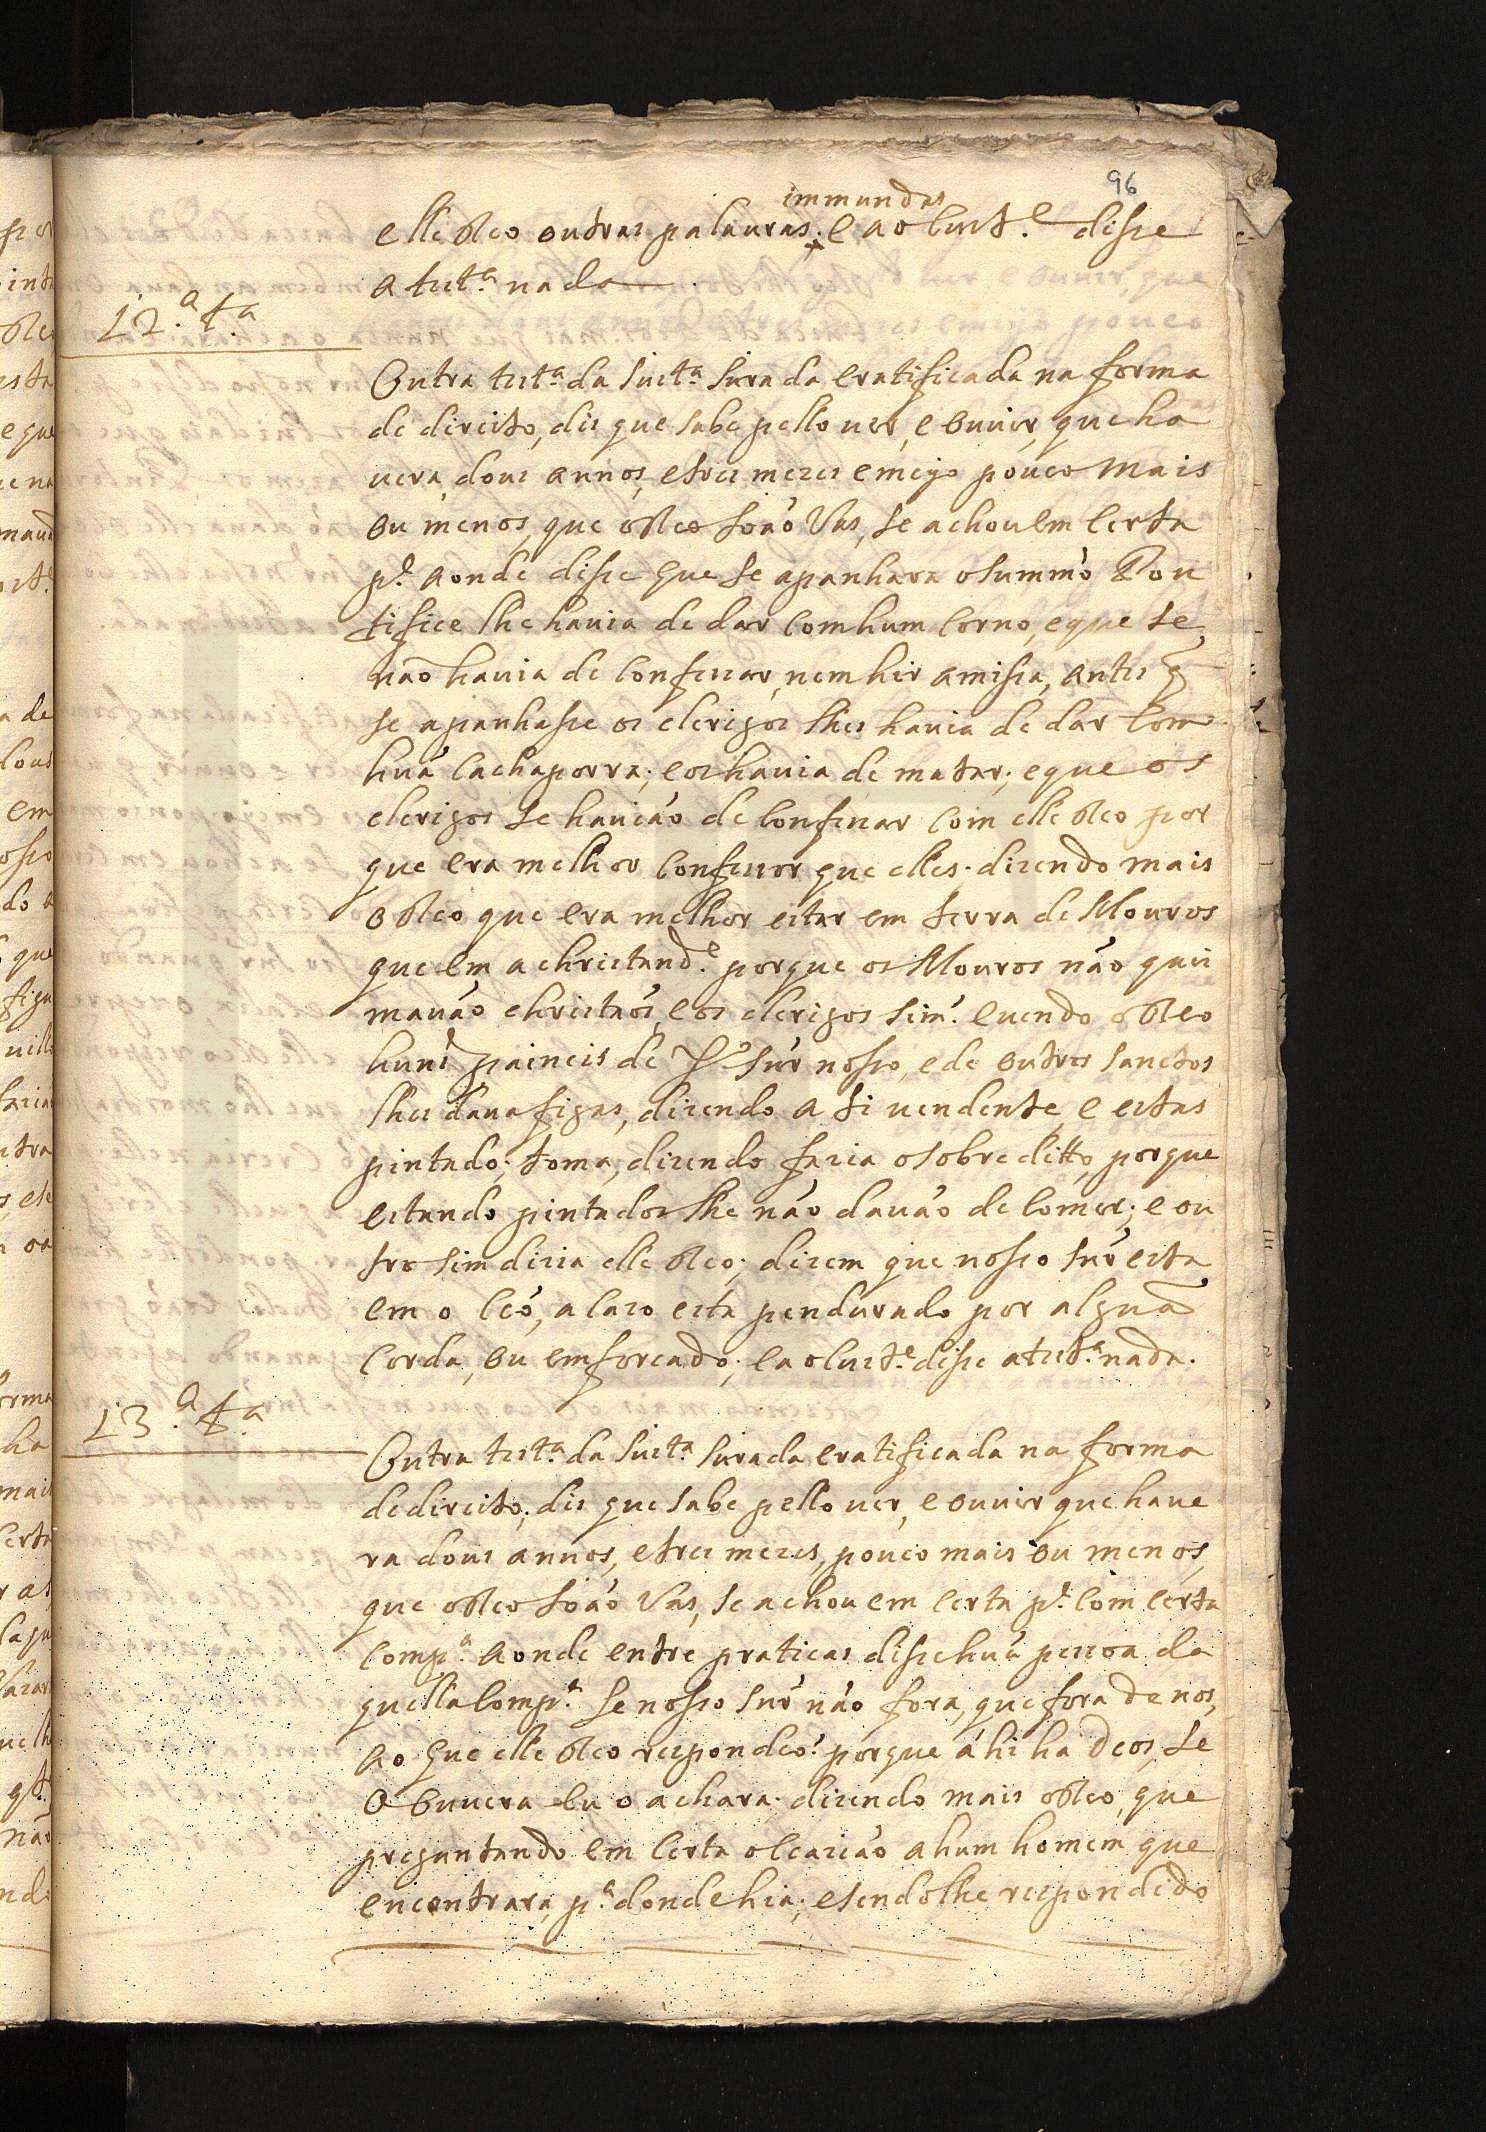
elle Reo outras palauras
immundas
e ao Cust.e disse
a test.a nada
12.a t.a
Outra test.a da Iust.a Iurada e ratificada na forma
de direito, dis que sabe pello uer, e ouuir, que ha
uera dous annos, e tres mezes e meyo pouco mais
ou menos, que o Reo Joaõ Vas, se achou em certa
p.e aonde disse que se apanhara o Summo Pon
tifice lhe hauia de dar com hum corno, e que se
não hauia de Confessar, nem hir a missa, antes q̄
se apanhasse os clerigos lhes hauia de dar Com
huā Cachaporra; e os hauia de matar, e que os
clerigos se hauiaõ de confessar com elle Reo por
que era melhor confessor que elles. dizendo mais
o Reo que era melhor estar em terra de Mouros
que em a christand.e porque os Mouros naõ quei
mauaõ christaõs, e os clerigos sim. E uendo o Reo
huns paineis de Xo snr̄ nosso, e de outros sanctos
lhes daua figas, dizendo a ti uendente, e estas
pintado; toma, dizendo fazia o sobreditto, porque
estando pintados lhe naõ dauaõ de comer, e ou
trosim dizia elle Reo; dizem que nosso snr̄ esta
em o Ceó, acazo esta pendurado por alguā
corda, ou enforcado, e ao Cust.e disse a test.a nada.
13.a t.a
Outra test.a da Iust.a Iurada e ratificada na forma
de direito; dis que sabe pello uer, e ouuir que haue
ra dous annos, e tres mezes, pouco mais ou menos,
que o Reo Ioaõ Vas, se achou em certa p.e com certa
comp.a aonde entre praticas disse huā pessoa da
quella Comp.a se nosso snr̄ naõ fora, que fora de nos,
ao que elle Reo respondeo. porque ahi ha Deos, se
o ouuera Eu o achara, dizendo mais o Reo, que
preguntando em certa occaziaõ a hum homem que
encontrara, p.a donde hia; e sendolhe respondido
